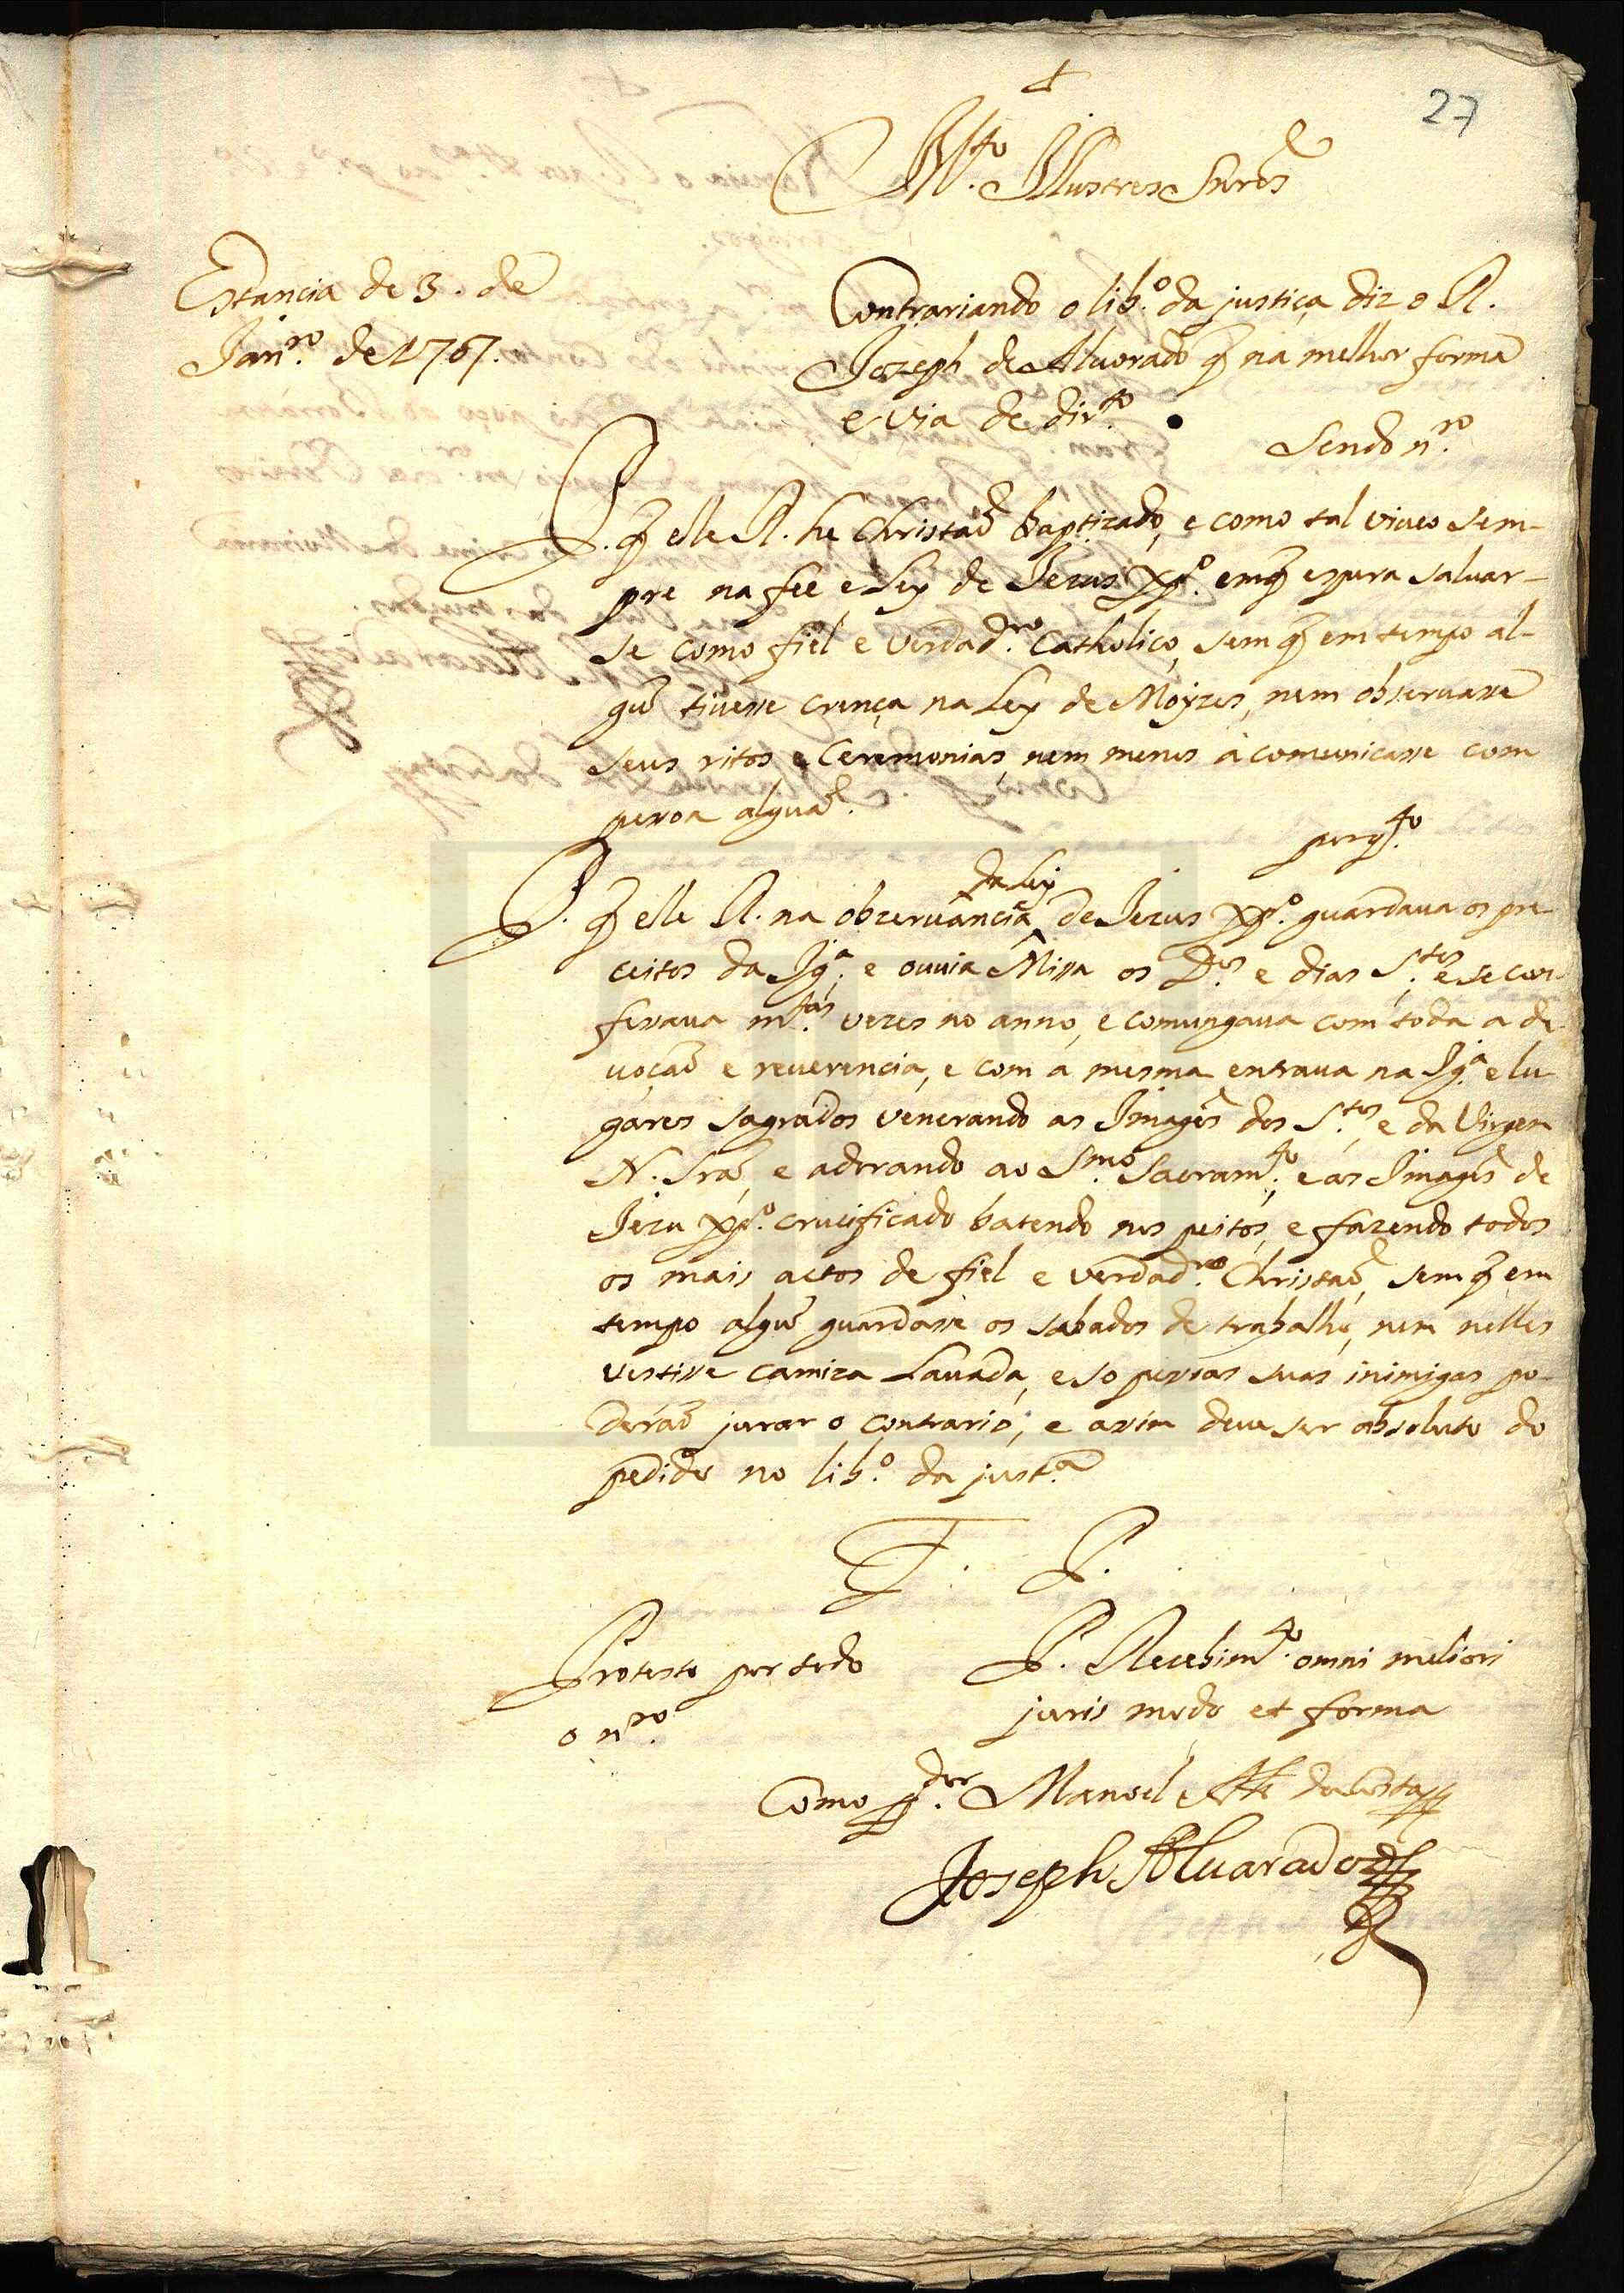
M.to Illustres Snres̄
Estancia de 3. de
Contrariando o lib.o da justiça diz o R.
Ian.ro de 1707.
Jozeph de Aluorado q̄ na melhor forma
e via de dir.to
Sendo n.ro
P. q̄ elle R. he christaõ baptizado, e como tal viueo sem
pre na fee e Ley de Iezus Xp.o em q̄ espera saluar
se como fiel e verdad.ro catholico, sem q̄ em tempo al
gū tiuesse crença na Ley de Moyzes, nem obseruasse
seus ritos e Ceremonias, nem menos a comunicasse com
pessoa alguā.
porq.to
da ley
P. q̄ elle R. na obseruancia de Iezus Xp.o guardaua os pre
ceitos da Iga; e ouuia Missa os D.os e dias S.tos, e se con
fessaua m.tas vezes no anno, e comungaua com toda a de
uoçaõ e reuerencia, e com a mesma entraua na Ig.a e lu
gares sagrados venerando as Imagēs dos S.tos, e da Virgem
N. Srā e adorando ao S.mo Sacramto; e as Imagēs de
Iezu Xp.o crucificado batendo nos peitos, e fazendo todos
os mais actos de fiel, e verdad.ro Christaõ, sem q̄ em
tempo algū guardasse os sabados de trabalho, nem nelles
vestisse camiza Lauada, e so pessoas suas inimigas po
deraõ jurar o contrario; e assim deue ser absoluto do
pedido no lib.o da just.a
P. Recebim.to omni meliori
Protesto por todo
juris modo et forma
o nro.
Como ꝓ.or Manoel Alz̄ da Costa
Joseph Aluarado
